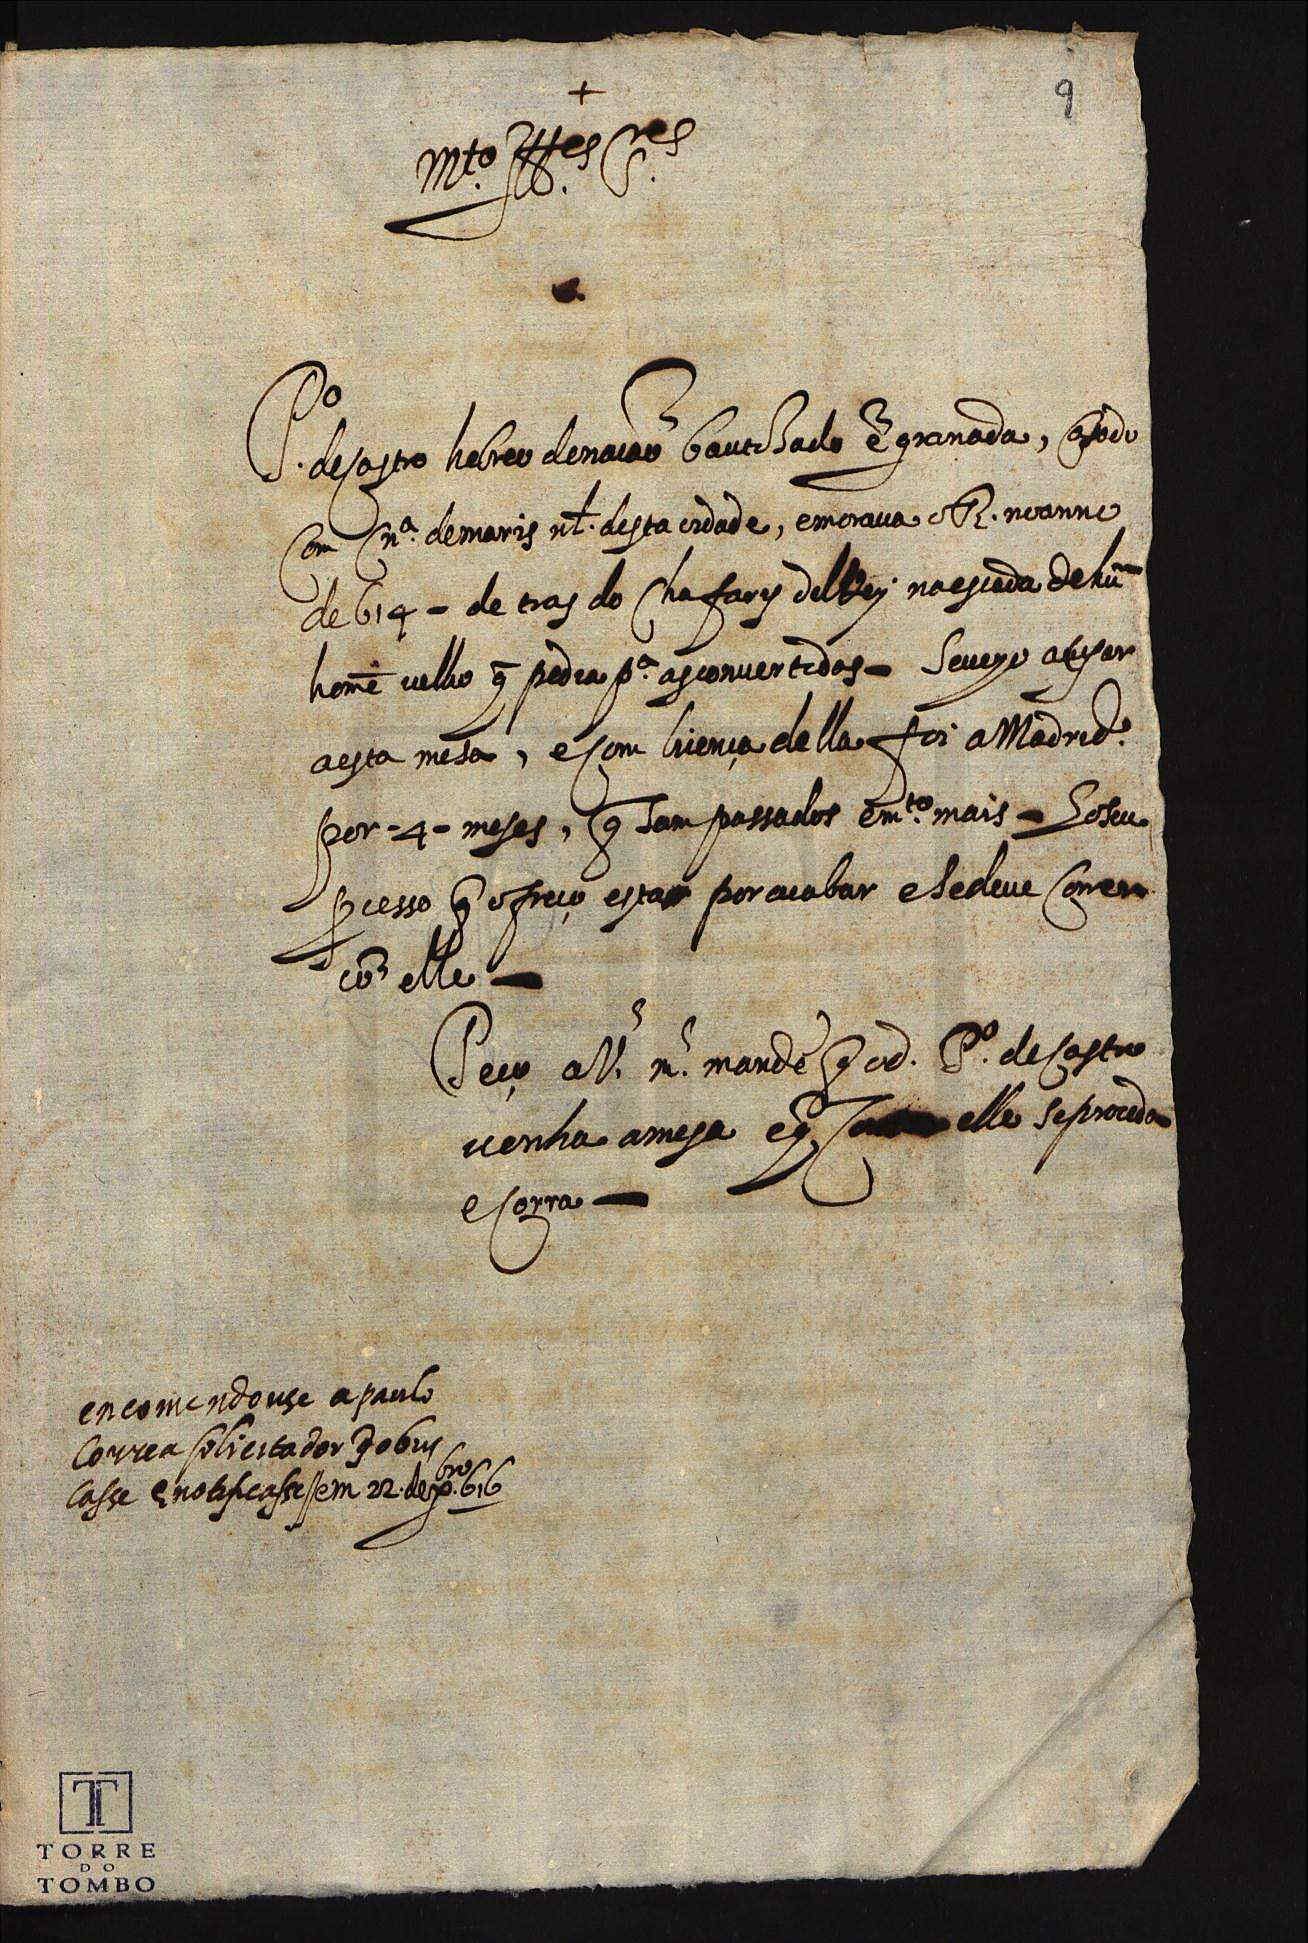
mt.o Jl̄l.es s.res
P.o de Castro hebreo de naçaõ bautizado ē granada, Casado
Com Cn.a de maris nl̄. desta cidade, e moraua o R. no anno
de 614 - de tras do Chafaris del Rey na escada de hū
homē uelho q̄ pedia p.a as conuertidas - Se ueyo acusar
a esta mesa, e Com licença della foi a Madrid.
por -4- meses, q̄ sam passados e m.to mais - E o seu
ꝓcesso q̄ ofreço esta por acabar e se deue Correr
cō elle -
Peço a Vs. ms. mandē q̄ o d. P.o de Castro
uenha a mesa e q̄ Com elle se proceda
e Corra -
encomendouse a paulo
correa solicitador q̄ o bus
casse E notificasse // em 22. de x.bro 616
